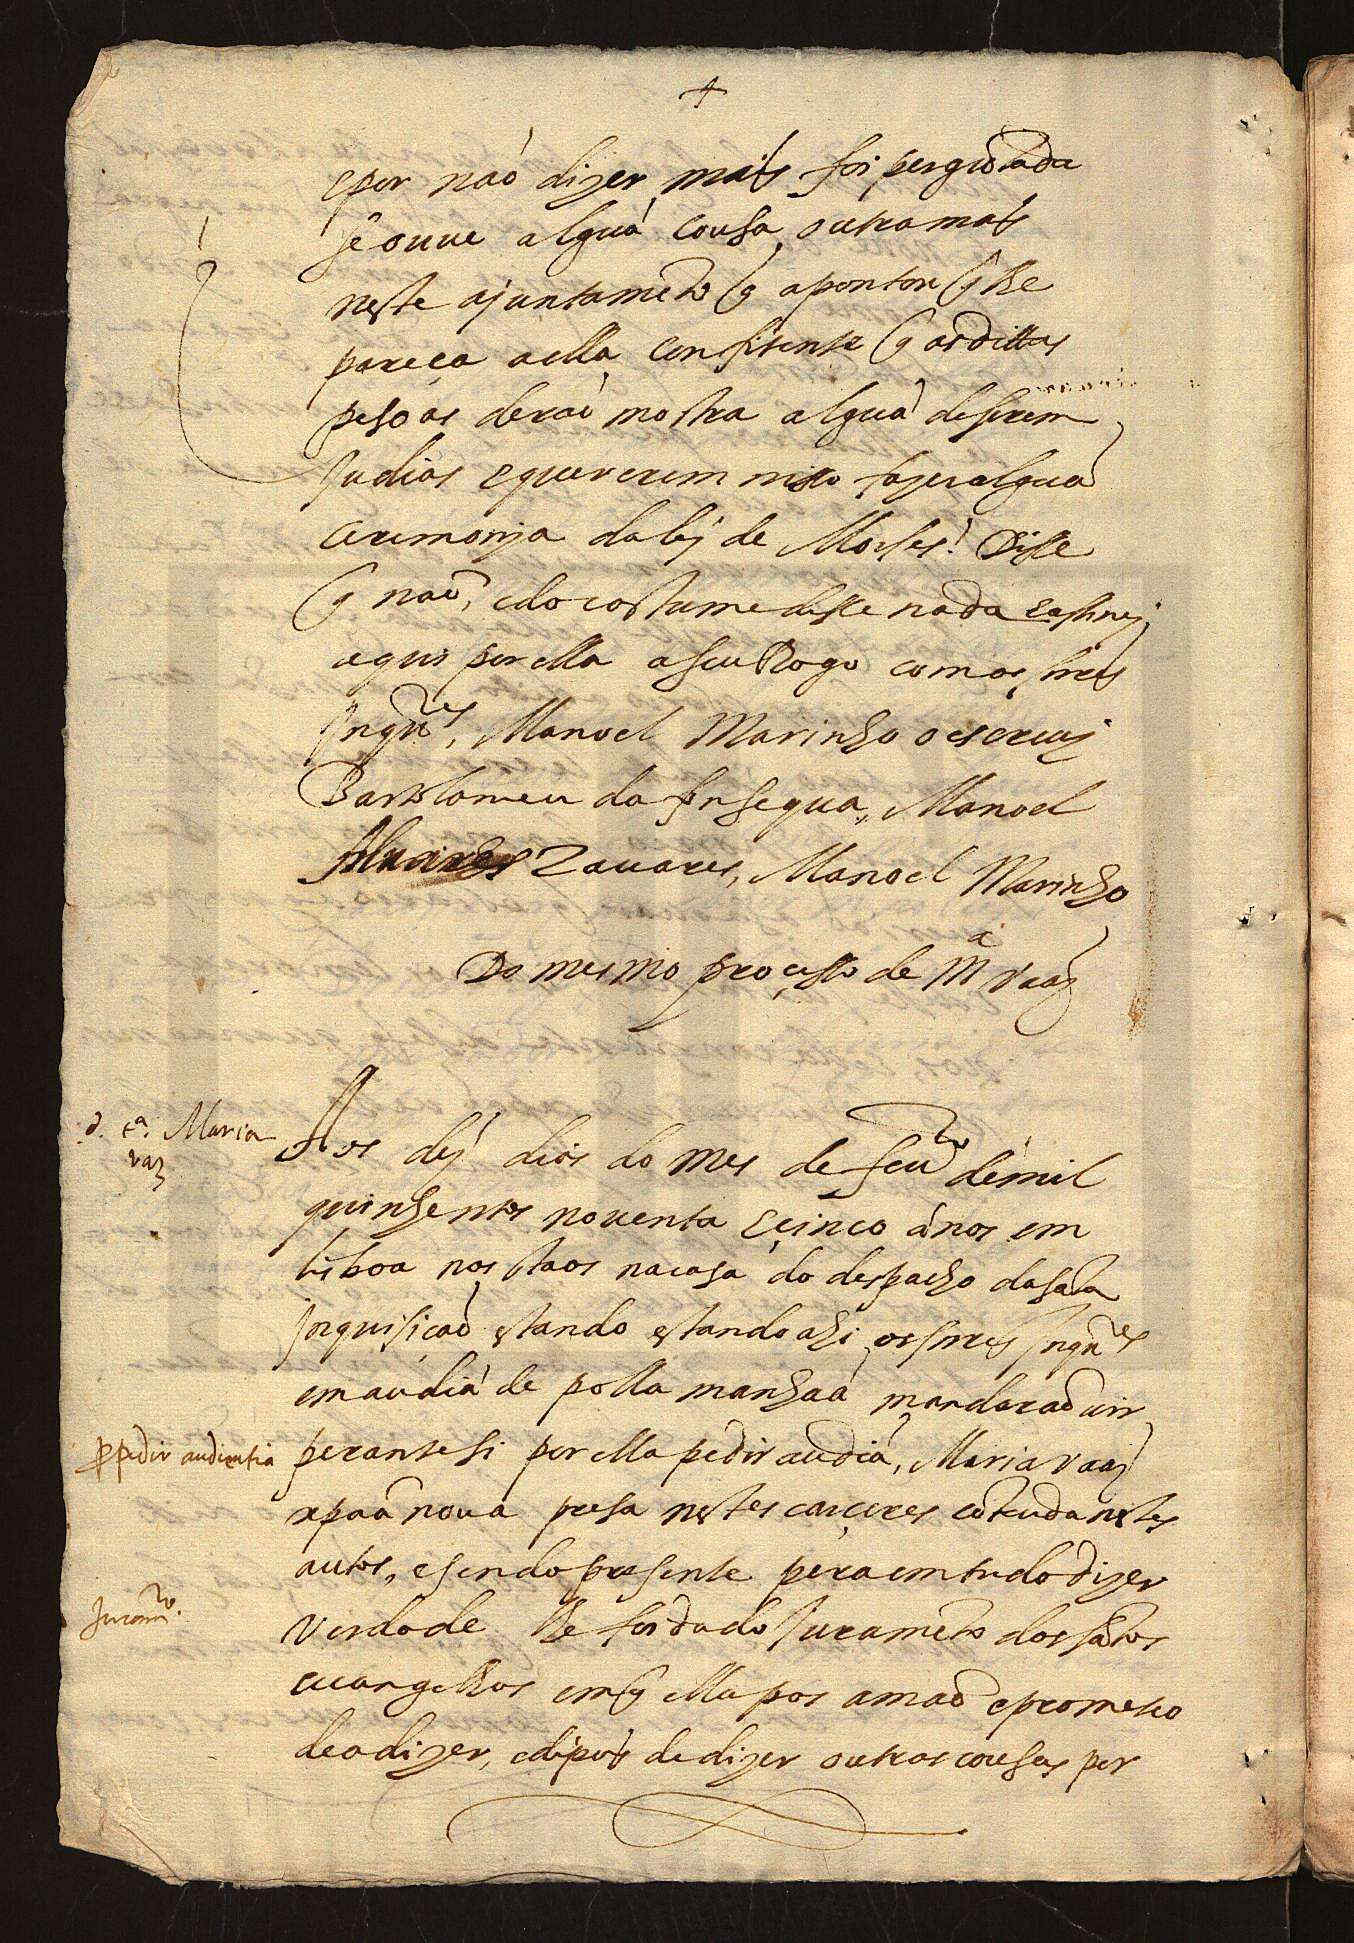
E por não dizer mais foi pergūtada
Se ouue alguā cousa outra mais
neste ajuntamēto q̄ apontou q̄ lhe
pareça a ella confitente q̄ as dittas
pesoas deraõ mostra alguā de serem
Judias E quererem nisto fazer alguā
ceremonja da lej de Moises? Disse
q̄ naõ, e do costume disse nada E assinej
aqui por ella a seu Rogo com os Snrēs
Jnqūres, Manoel Marinho o escreuj
Bartolameu da fonsequa, Manoel
Aluares Tauares, Manoel Marinho
Do mesmo proçesso de Ma Vaaz̄
Aos dez̄ dia do mes de feuro de mil
quinhentos nouenta E çinco ānos em
Lisboa nos staos na casa do despacho da sāta
Jnquisiçāo estando estando ahi os snres Jnqures
em audiā de polla manhaā mandaraõ uir
perante si per ella pedir audiā, Maria vaaz̄
xpaā noua presa nestes carçeres cōteuda nestes
autos, e sendo presente pera em tudo dizer
verdade lhe foi dado Juramēto dos Sātos
euangelhos em q̄ ella pos a maõ e prometeo
de a dizer, e dipois de dizer outras cousas per
